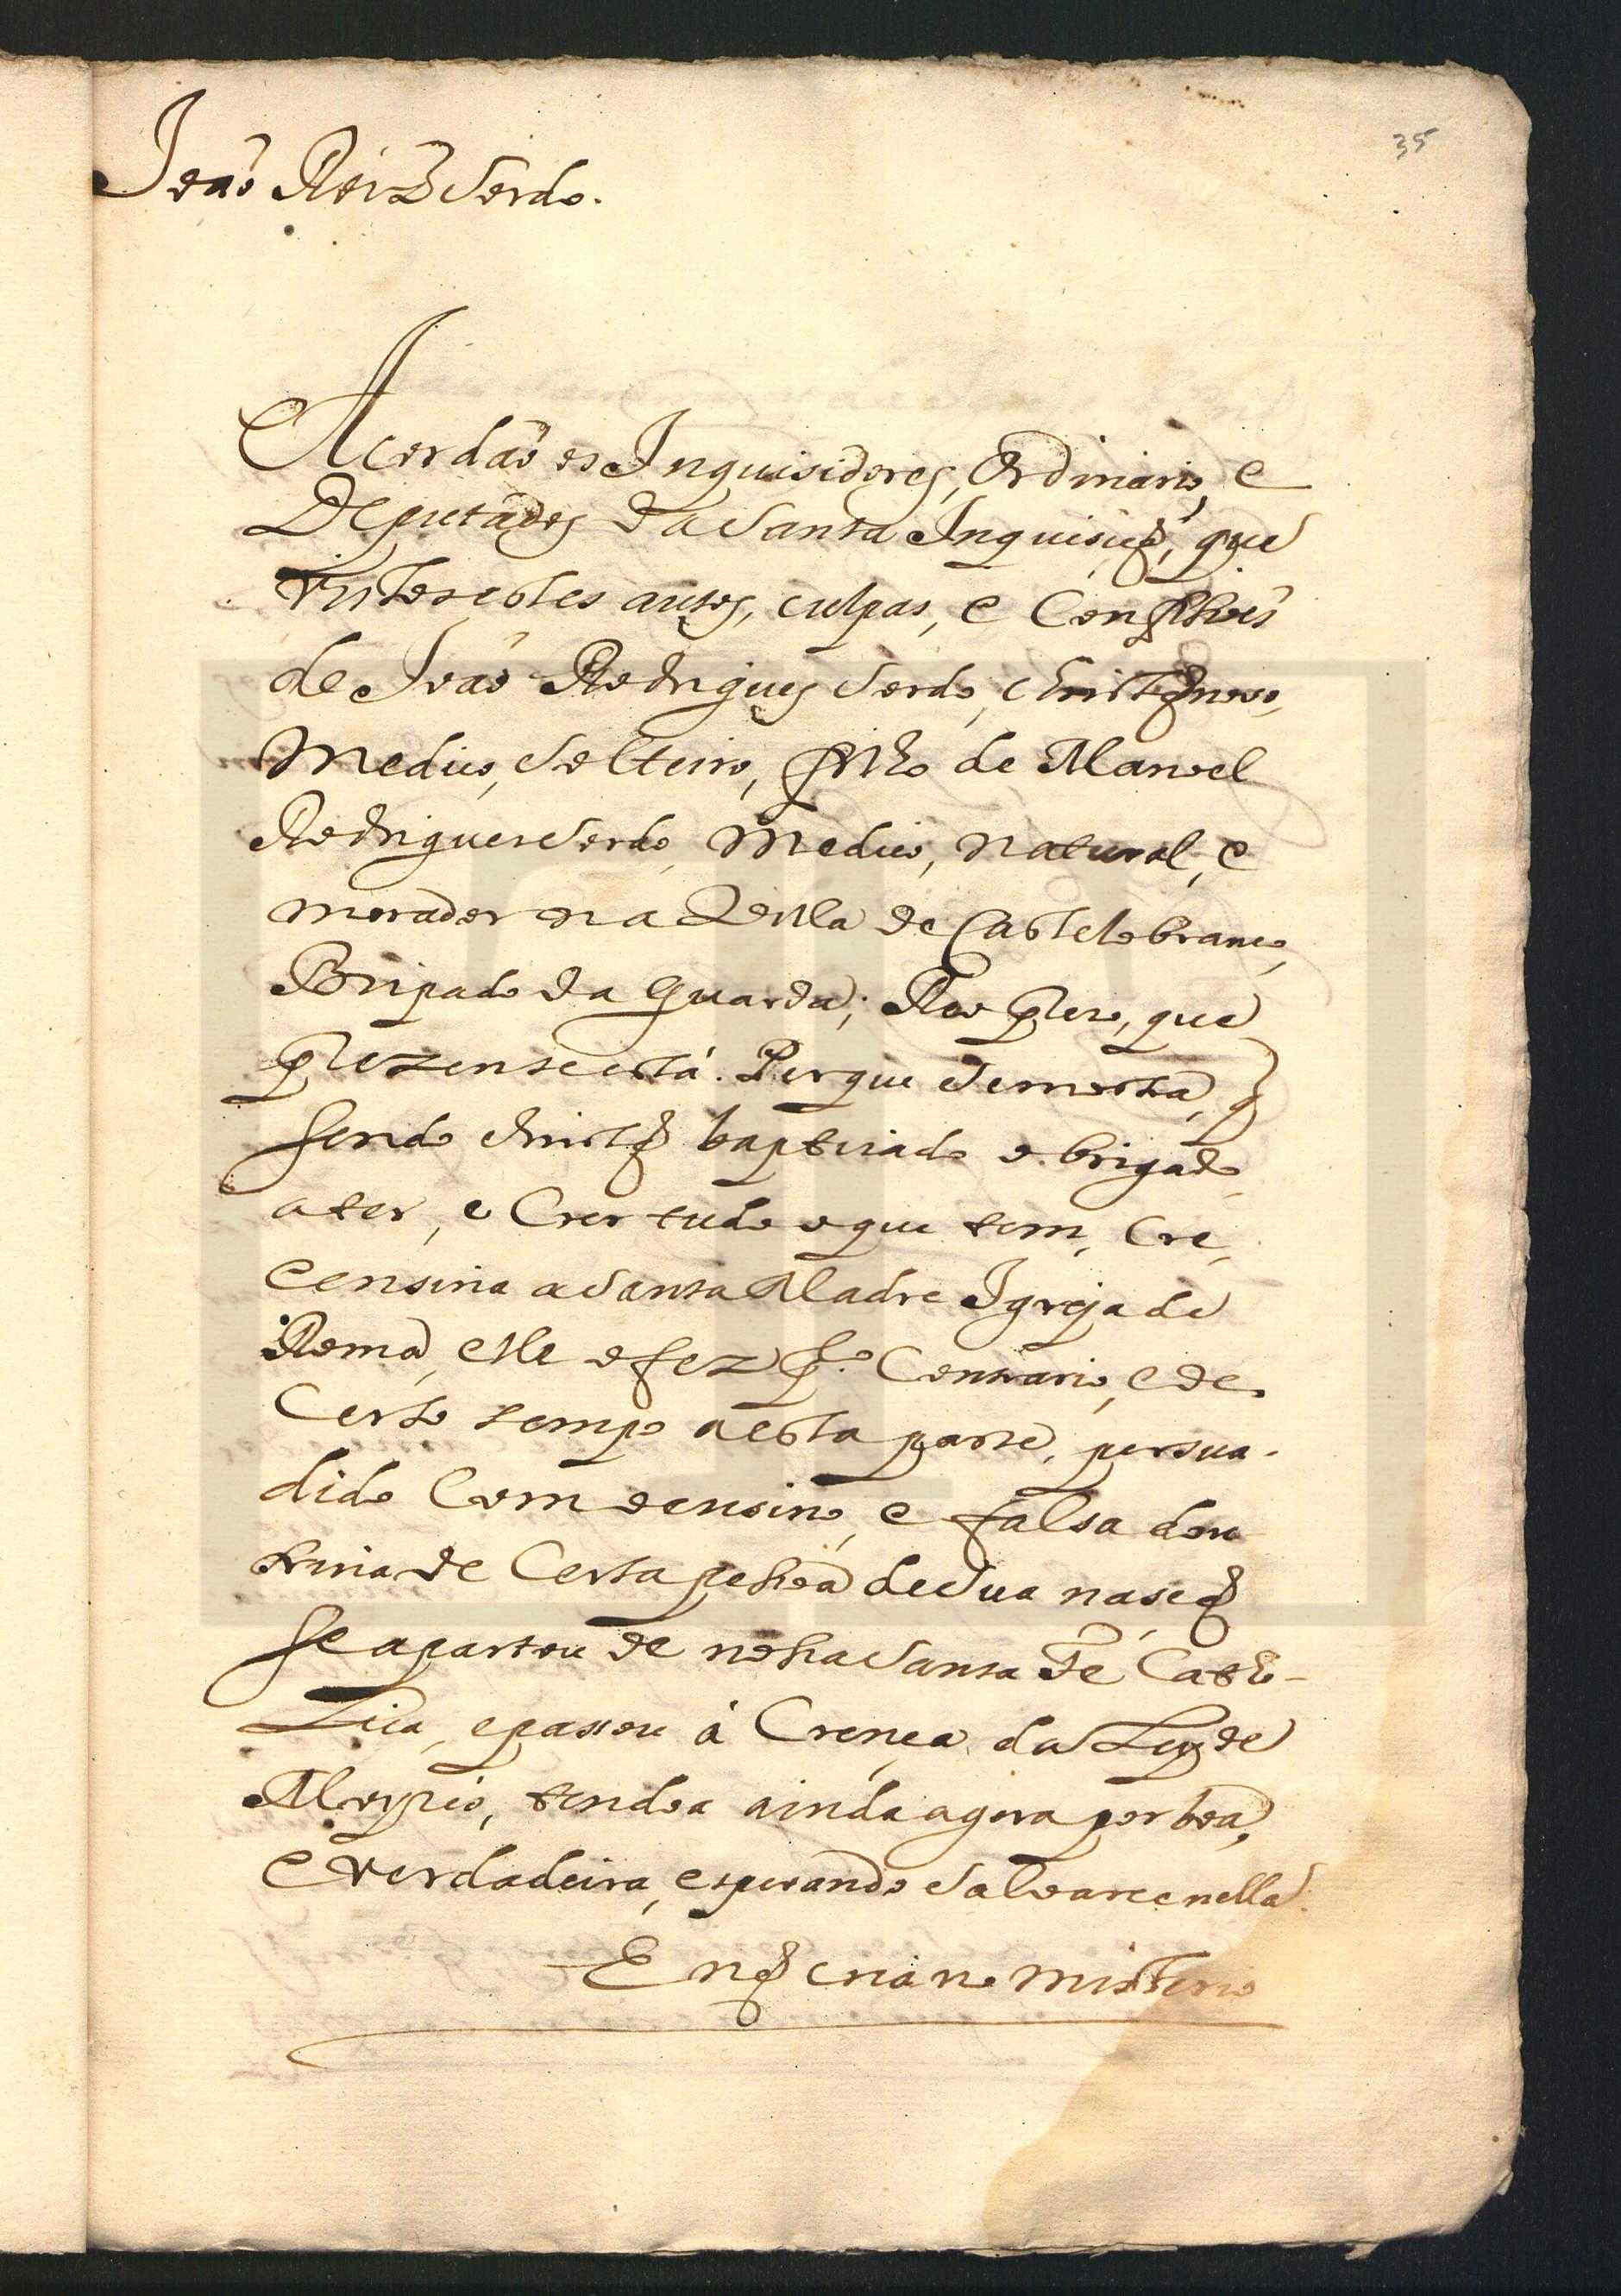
Ioaõ Roiz̄ Sordo.
Acordaõ os Inquisidores, Ordinario, e
Deputados da Santa Inquisiçaõ, que
vistos estes autos, culpas e confissoẽs
de Ioaõ Rodrigues Sordo, christaõ novo,
medico, solteiro, filho de Manoel
Rodrigues Sordo, medico, natural, e
morador na Villa de Castello branco,
Bispado da Guarda; Reo prezo, que
prezente está. Porque se mostra, q̄
sendo christaõ baptizado obrigado
a ter, e Crer tudo o que tem, Cre,
e ensina a santa Madre Igreja de
Roma, elle o fez p.lo Contrario, e de
certo tempo a esta parte, persua
dido Com o ensino, e falsa dou
trina de Certa pessoa de sua nasçaõ
se apartou de nossa santa Fé Catho
Lica, e passou á Crença da Ley de
Moyzés, tendoa ainda agora por boa,
e verdadeira, esperando salvarce nella.
E naõ cria no misterio
